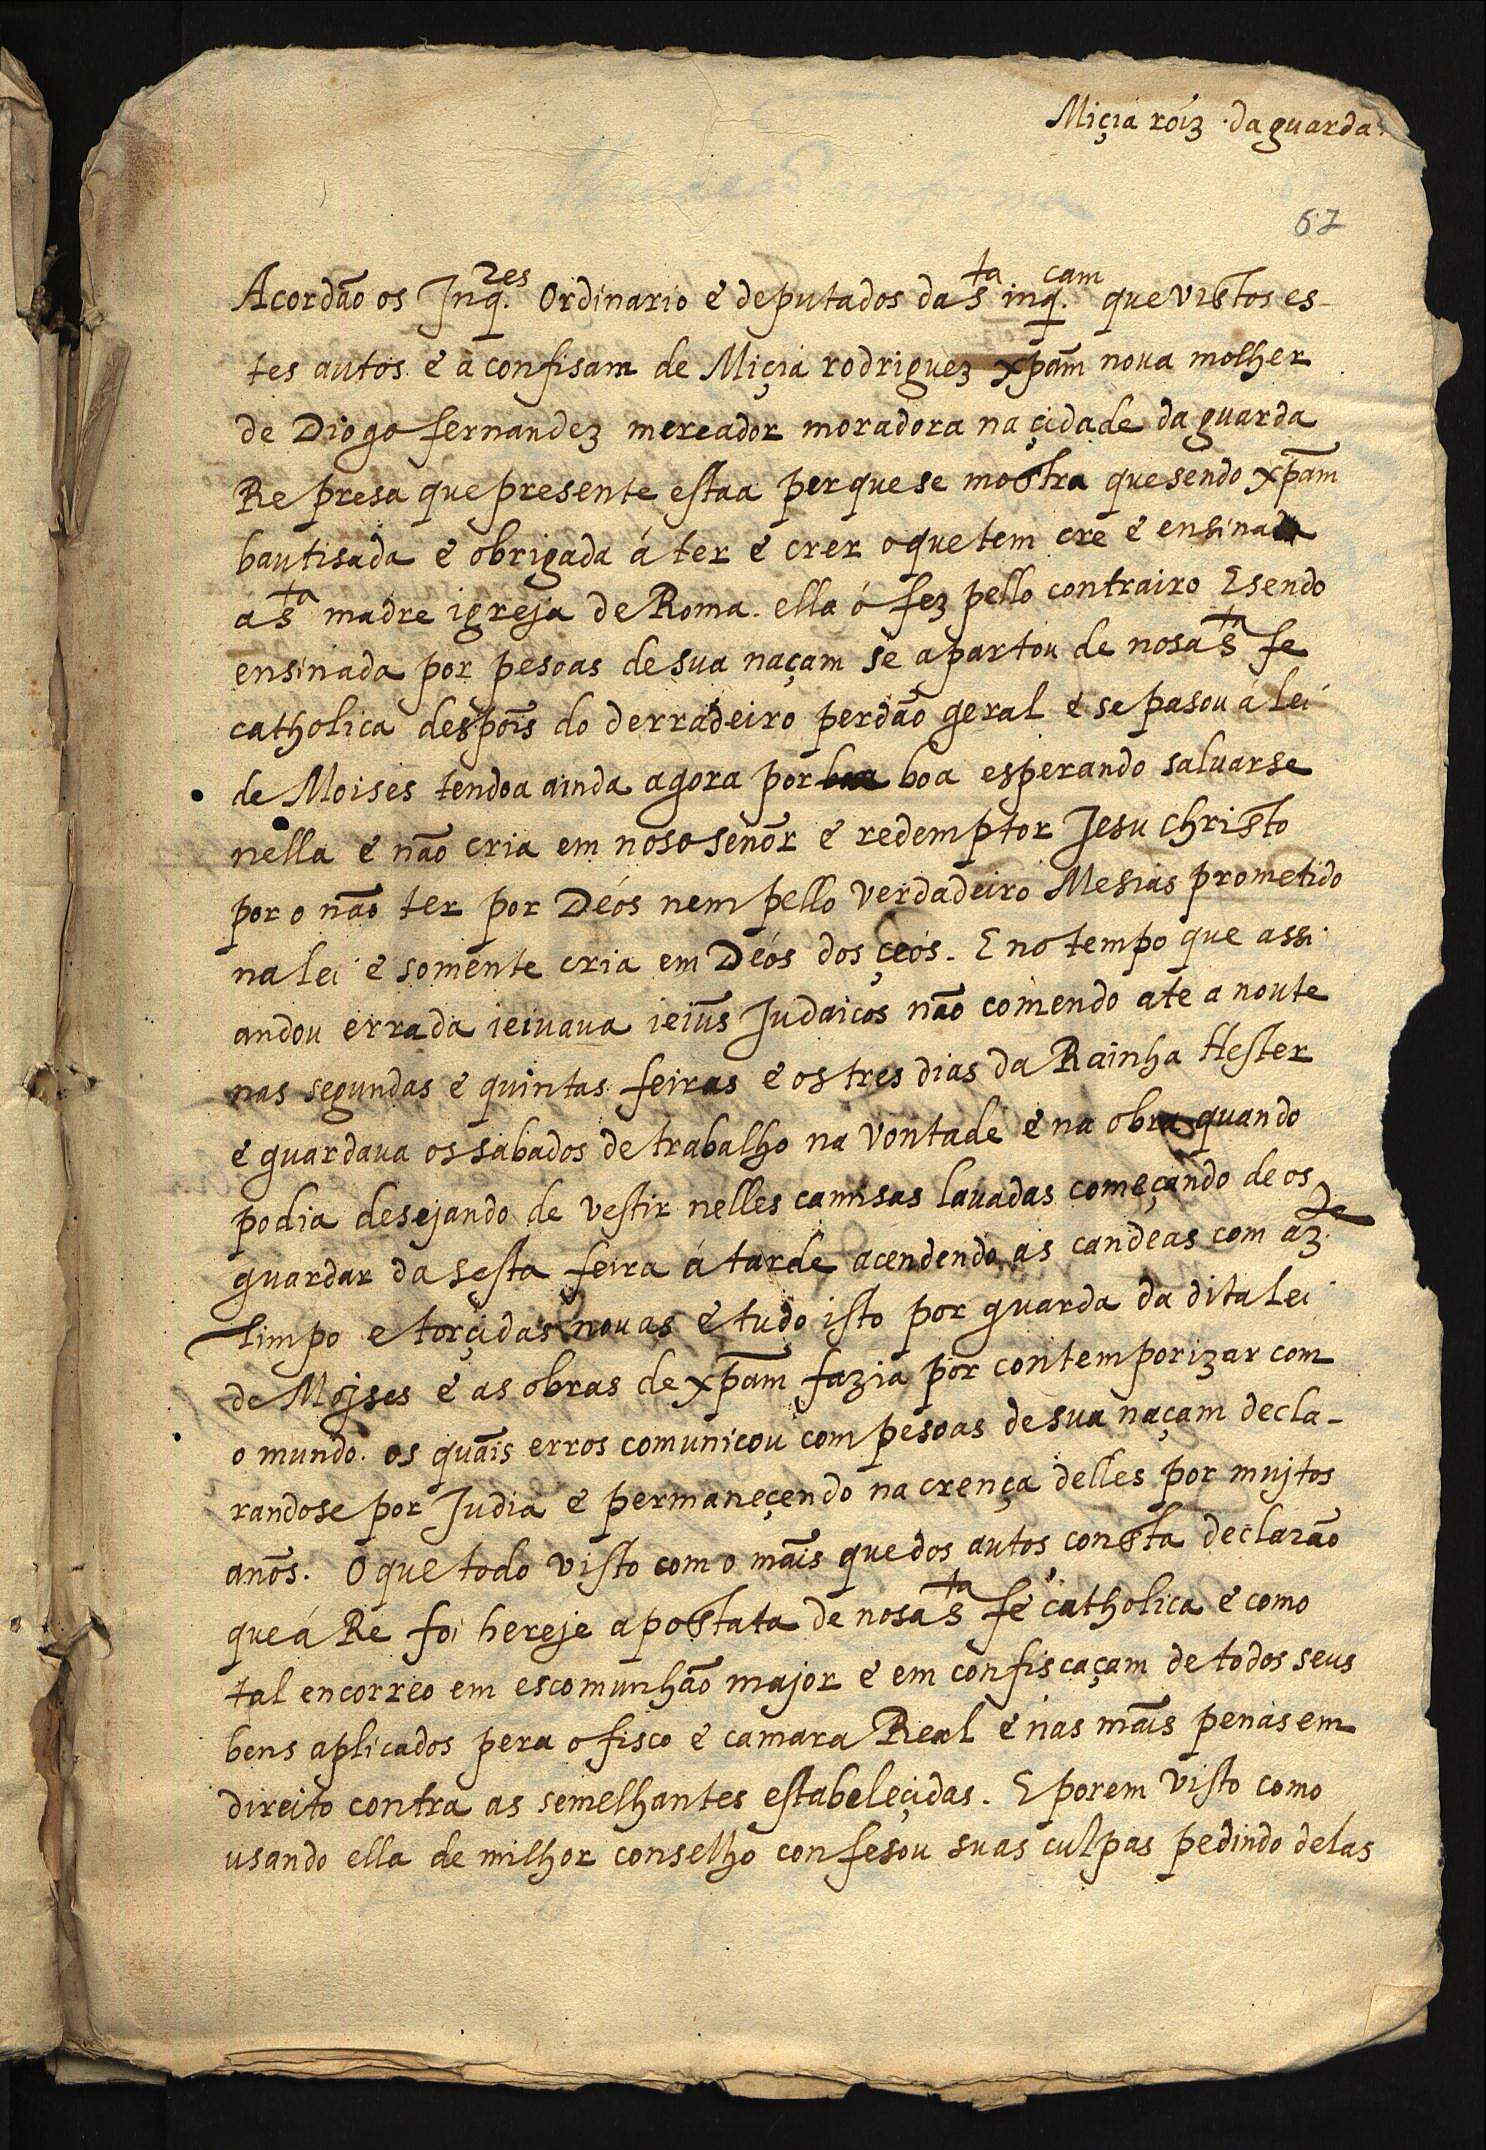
Miçia roīz. da guarda.
Acordão os Jnq.res Ordinario e deputados da sta inq.cam que vistos es
tes autos e a confisam de Miçia rodriguez xpam̄ noua molher
de Diogo fernandez mercador moradora na çidade da guarda
Re presa que presente estaa per que se mostra que sendo xpām
bautisada e obrigada á ter e crer o que tem cre e ensina
a sta madre igreja de Roma ella o fez pello contrairo E sendo
ensinada por pesoas de sua naçam se apartou de nosa sta fe
catholica despoīs do derradeiro perdão geral e se pasou á lei
de Moises tendoa ainda agora por boa boa esperando saluarse
nella e não cria em noso senōr e redemptor Jesu christo
por o não ter por Deos nem pello verdadeiro Mesias prometido
na lei e somente cria em Deos dos çeos. E no tempo que assi
andou errada ieiuaua ieiūs Judaicos não comendo ate a noute
nas segundas e quintas feiras e os tres dias da Rainha Hester
e guardaua os sabados de trabalho na vontade e na obra quando
podia desejando de vestir nelles camisas lauadas começando de os
guardar da sesta feira á tarde acendendo as candeas com azte
limpo e torçidas nouas e tudo isto por guarda da dita lei
de Mojses e as obras de xpām fazia por contemporizar com
o mundo os quāis erros comunicou com pesoas de sua naçam decla
randose por Judia e permaneçendo na crença delles por mujtos
anōs. O que todo visto com o māis que dos autos consta declarão
que a Re foi hereje apostata de nosa sta fe catholica e como
tal encorreo em escomunhaõ major e em confiscaçam de todos seus
bens aplicados pera o fisco e camara Real e nas māis penas em
direito contra as semelhantes estabeleçidas. E porem visto como
usando ella de milhor conselho confesou suas culpas pedindo delas
